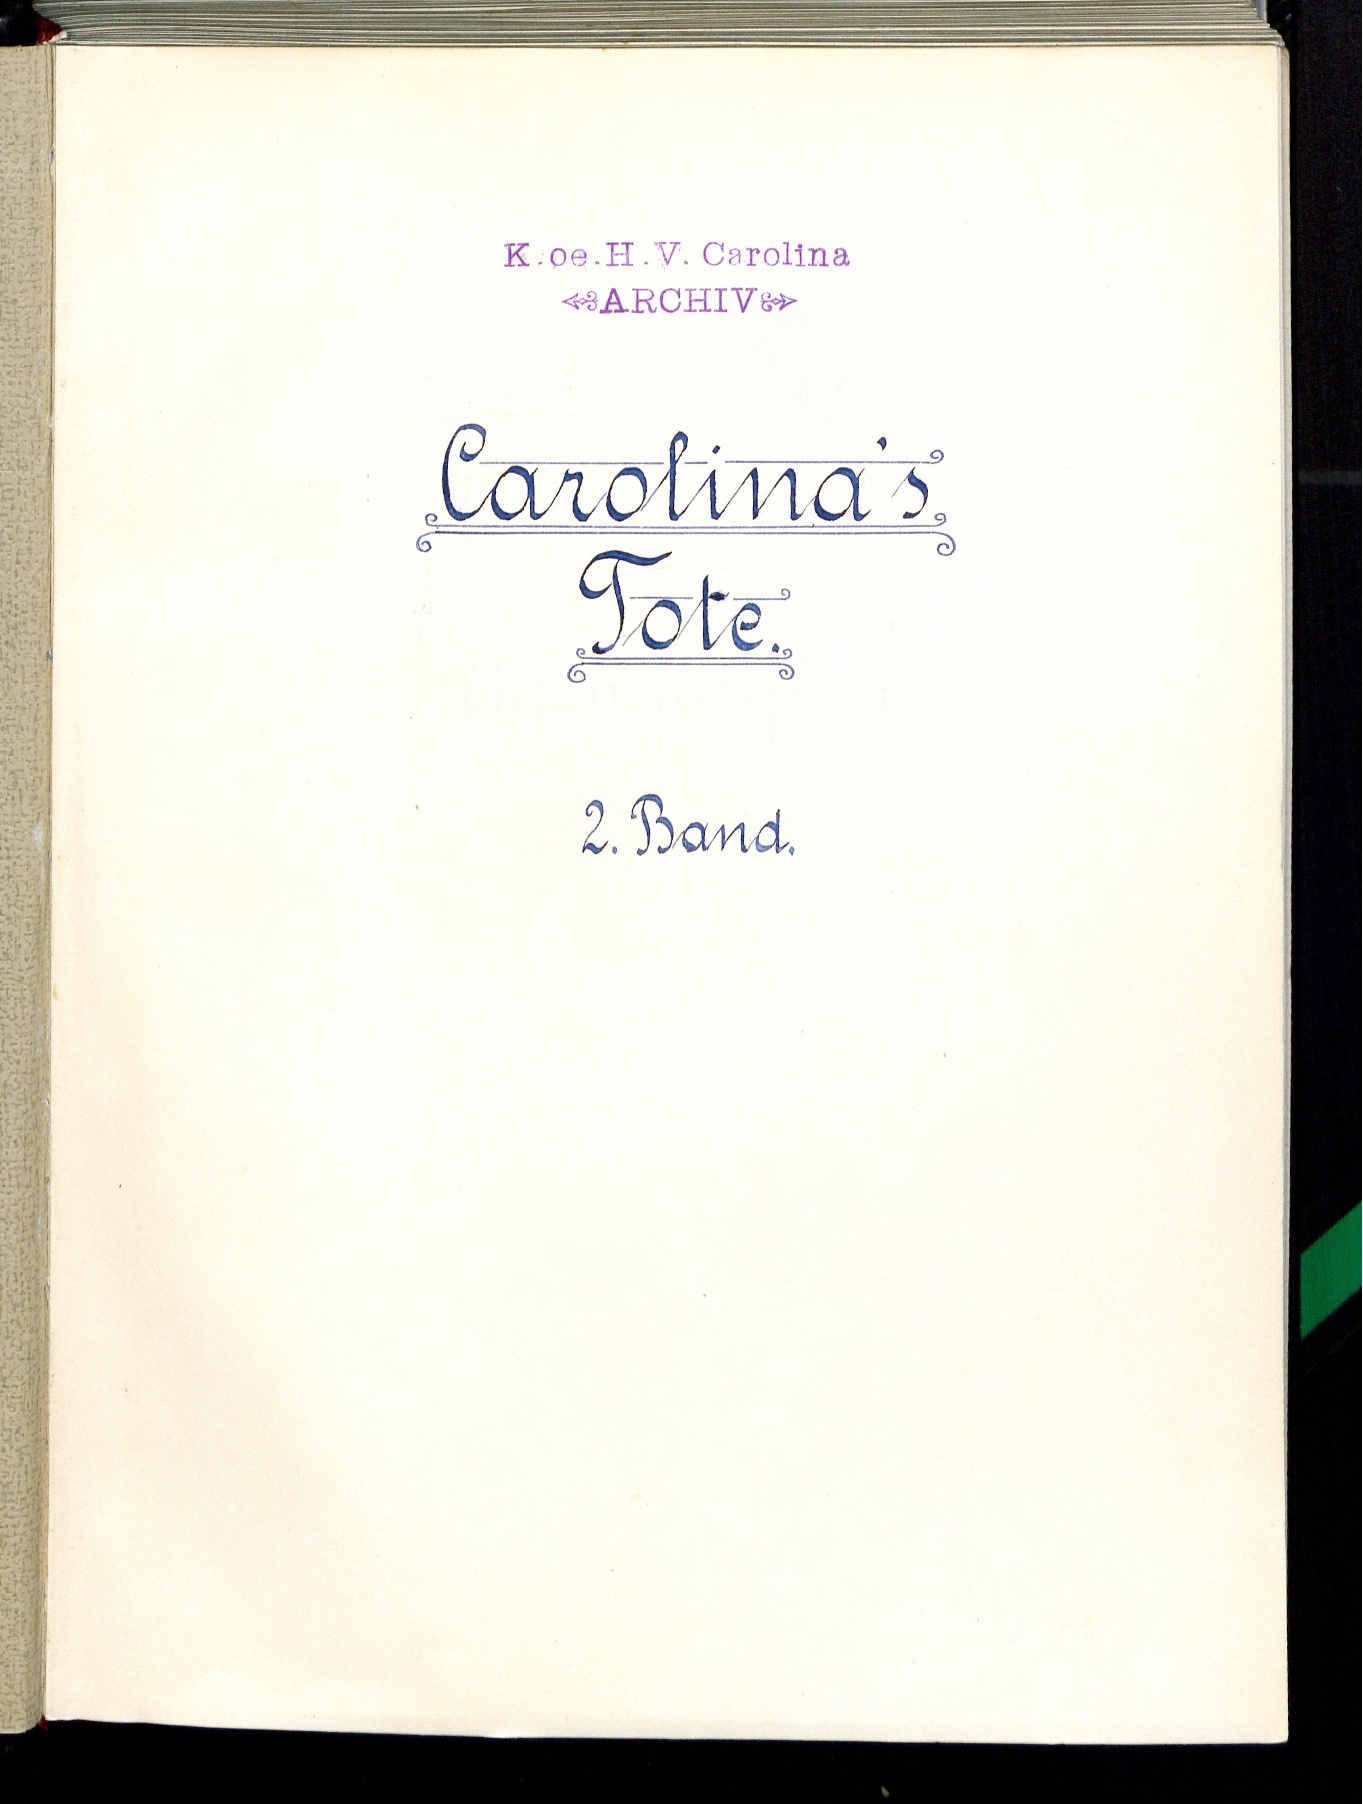K.oe.H.V. Carolina
ARCHIV
Carolina's
Tote
2. Band